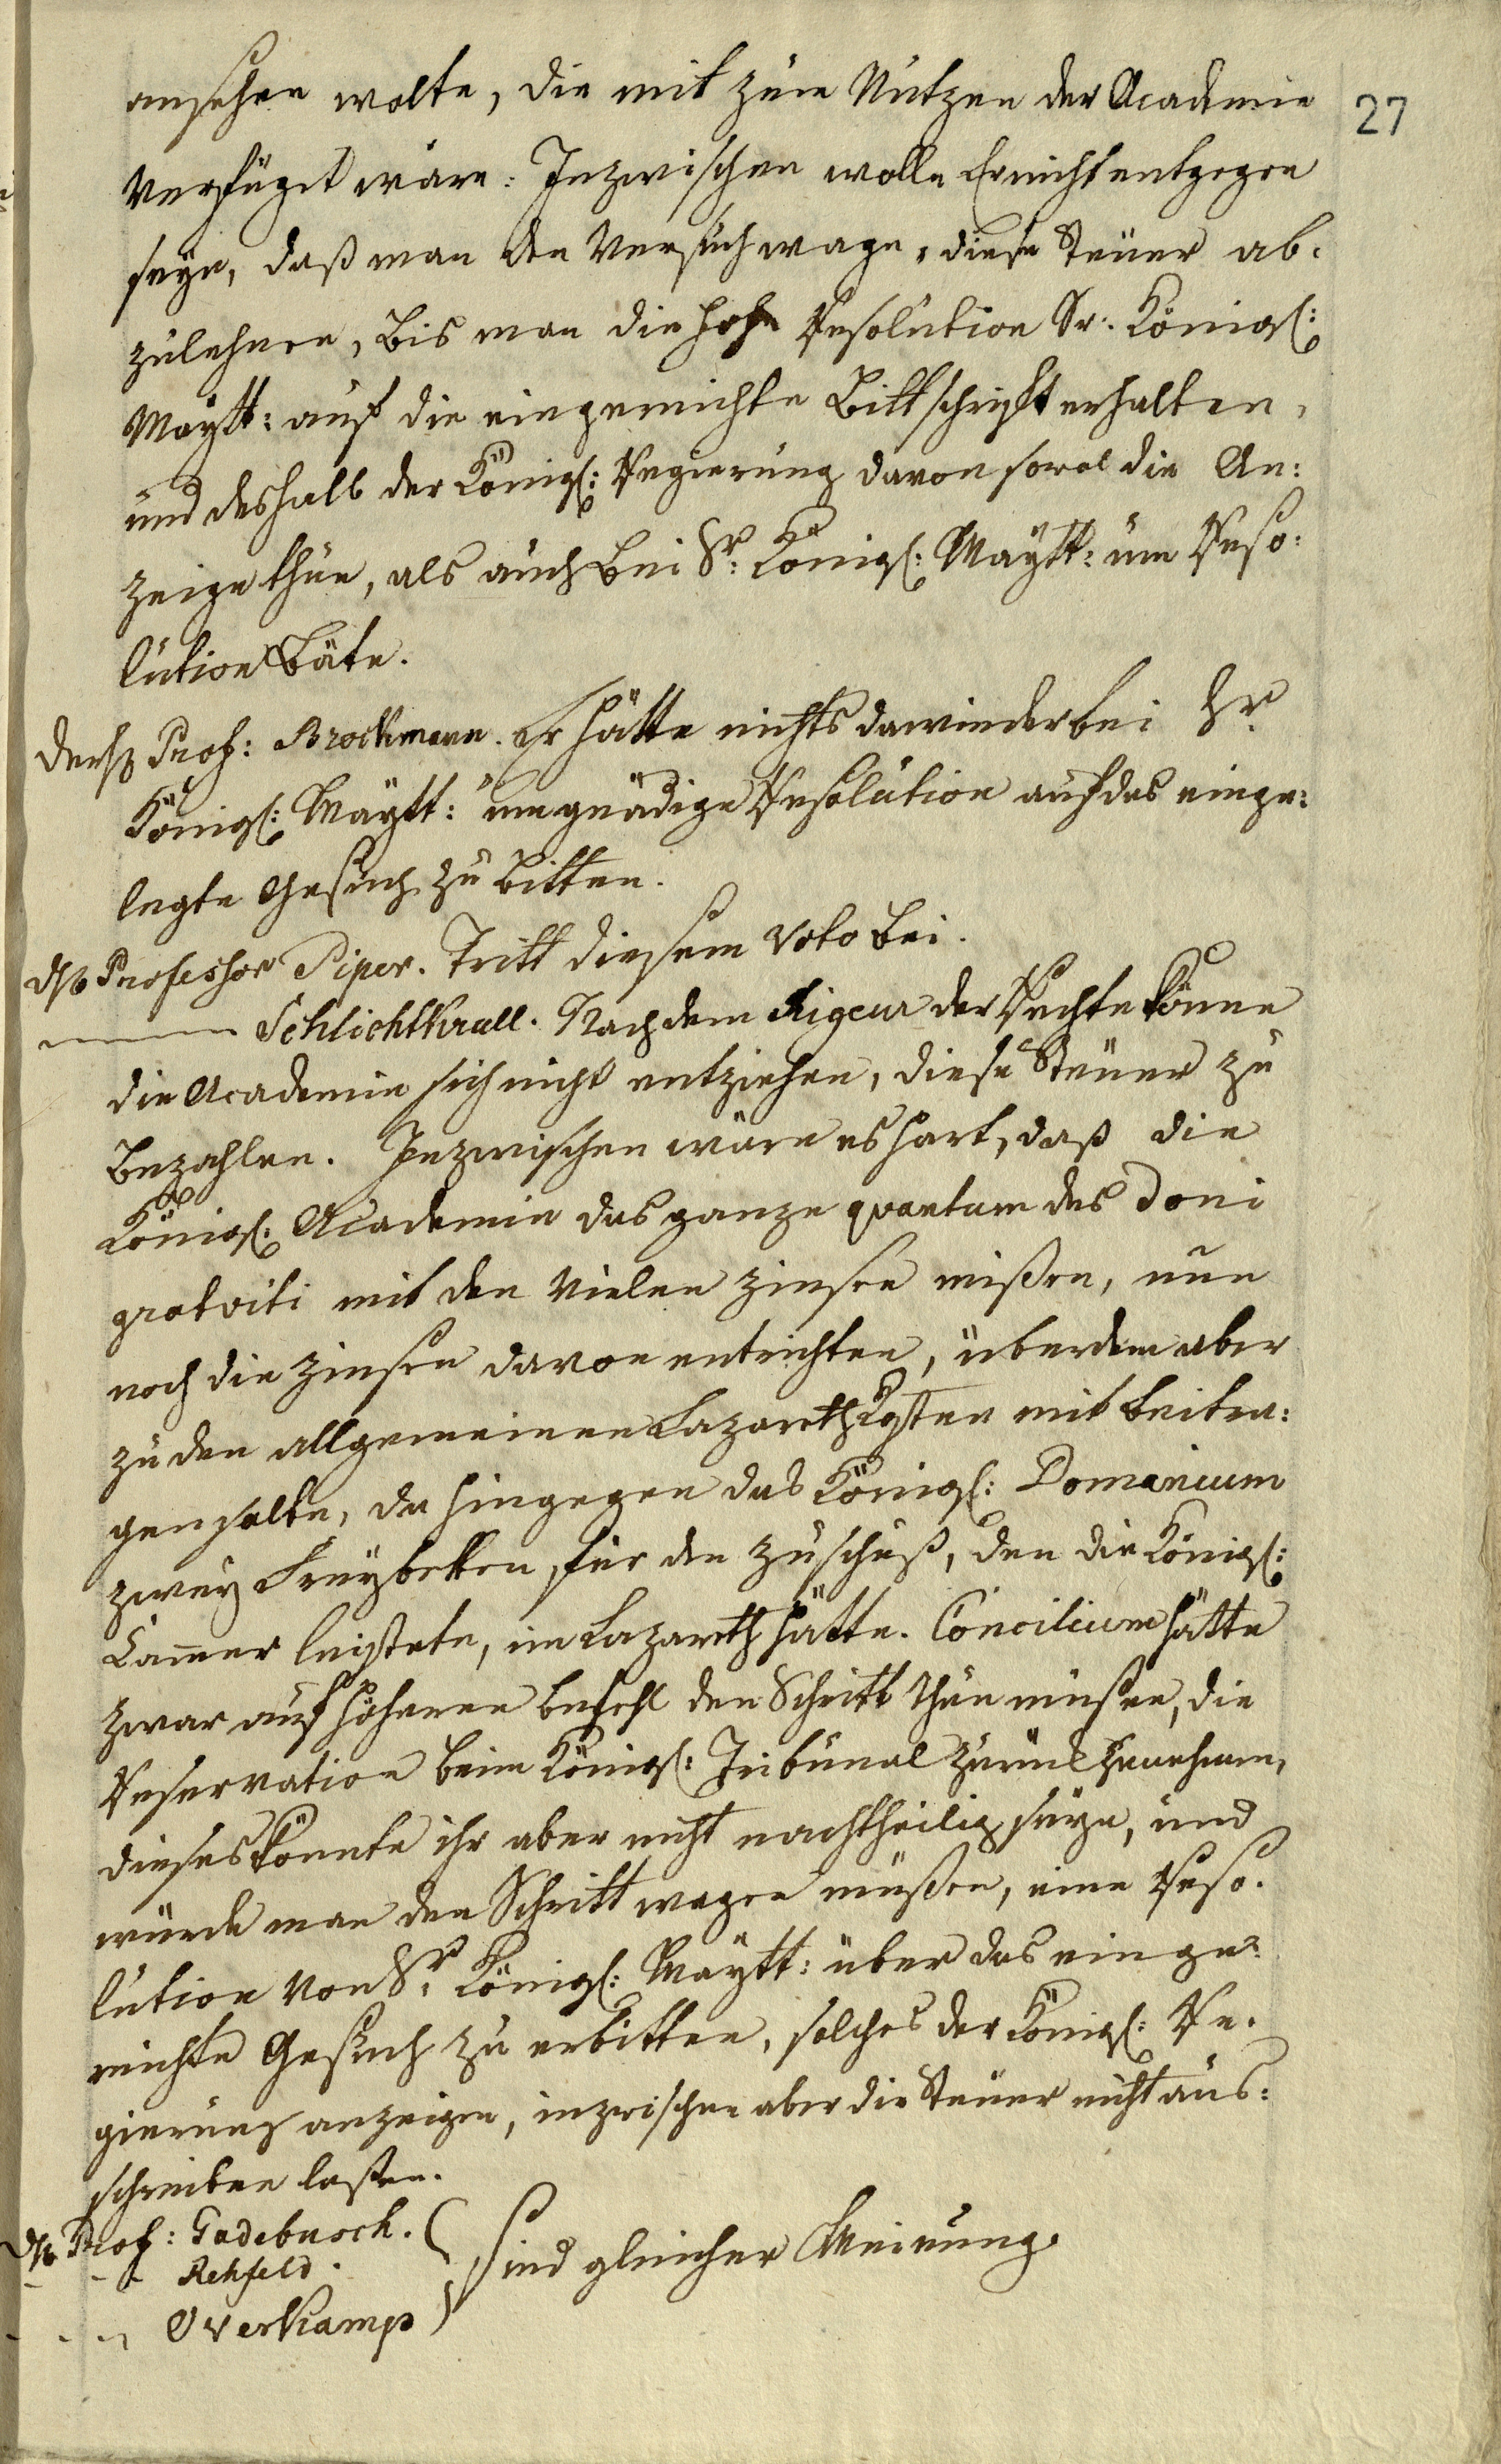ansehen wolte, die mit zum Nutzen der Academie
verfüget wäre: Inzwischen wolle Er nicht entgegen
seÿn, daß man den Versuch wage, diese Steuer ab¬
zulehnen, bis man die hohe Resolution Sr Königl.
Maÿtt. auf die eingereichte Bittschrift erhalten,
und deshalb der Königl. Regierung davon sowol die An¬
zeige thue, als auch bei Sr Königl. Maÿtt. um Reso¬
lution bäte.
Derh. Prof. Brockmann. Er hätte nichts dawieder bei Sr
Königl. Maÿtt. um gnädige Resolution auf das einge¬
legte Gesuch zu bitten.
dh. Prof. Piper. Tritt diesem voto bei.
Schlichtkrull. Nach dem Sigeur der Rechte könne
die Academie sich nicht entziehen, diese Steuer zu
bezahlen. Inzwischen wäre es hart, daß die
Königl. Academie das ganze quantum des doni
gratuiti mit den vielen Zinsen nießen, nun
noch die Zinsen davon entrichten, überdem aber
zu den allgemeinen Lazarethkosten mit beitra¬
gen solte, da hingegen das Königl. Domanium
zweÿ Freibetten für den Zuschuß, den die Königl.
Camer leistete, ein Lazareth hätte. Concilium hätte
zwar auf höheren Befehl den Schritt thun müßen, die
Reservation beim Königl. Tribunal zurück zunehmen,
diese könnte ihr aber nicht nachtheilig seÿn, und
würde man den Schritt wagen müssen, eine Reso¬
lution von Sr Königl. Maÿtt. über das einge¬
reichte Gesuch zu erbitten, solches der Königl. Re¬
gierung anzeigen, inzwischen aber die Steuer nicht aus¬
schreiben laßen.
dh. Prof. Gadebusch
Rehfeld. sind gleicher Meinung.
Overkamp